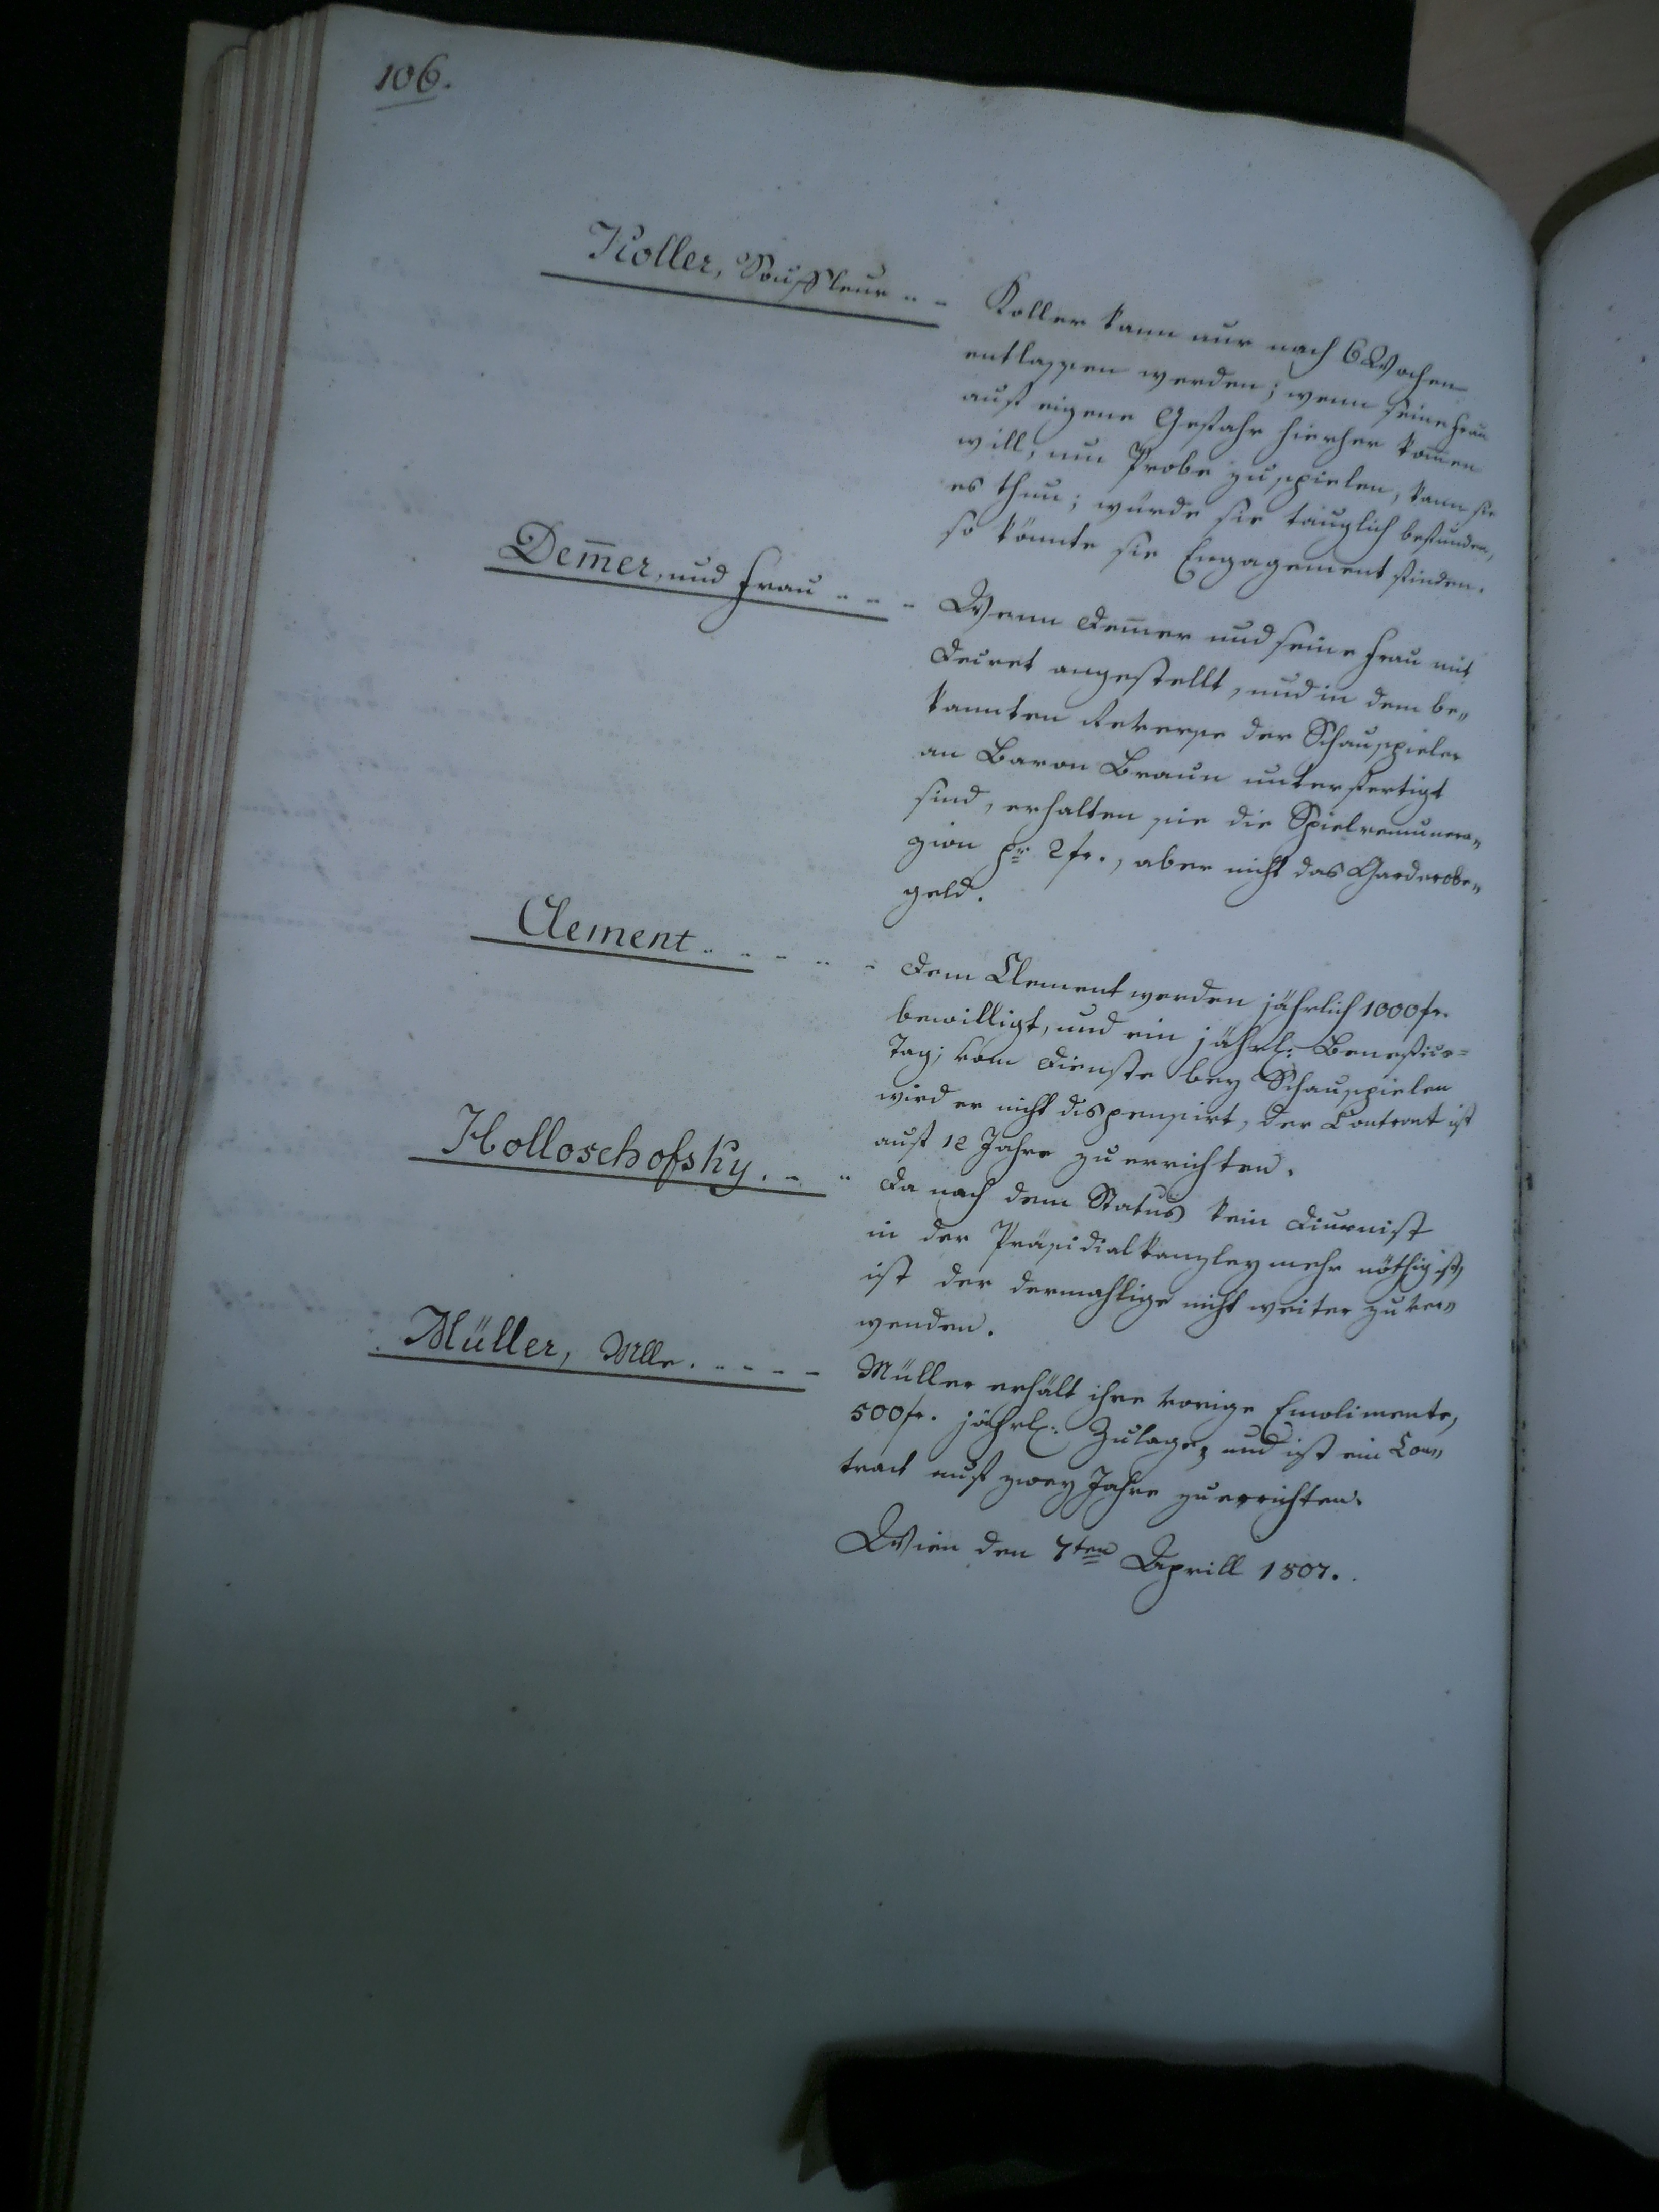106.
Koller, Souffleur .. .. Koller kann nur nach 6 Wochen
entlassen werden; wenn seine Frau
auf eigene Gefahr hierher kom̅en
will, um Probe zuspielen, kann sie
es thun, würde sie tauglich befunden,
so könnte sie Engagement finden.
Dem̅er, und Frau .. .. .. Wenn Dem̅er und seine Frau mit
Decret angestelt, und in dem be¬
kannten Reverse der Schauspieler
an Baron Braun unterfertigt
sind, erhalten sie die Spielremunera¬
zion pr͇ 2fr., aber nicht das Gardercbe¬
geld.
Clement .. .. .. .. .. Dem Clement werden jährlich 1000fr.
bewilligt, und ein jährl. Benefice=
Tag, vom Dienste bey Schauspielen
wird er nicht dispensirt, der Contract ist
auf 12 Jahre zu errichten.
Holloschofsky. .. Da nach dem Status kein Acurnist
in der Präsidialkanzley mehr nöthig ist
ist der dermahlige nicht weiter zu ver¬
wenden.
Müller, Mlle. .. .. .. .. Müller erhält ihre vorige Emolimente,
500fr. jährlE Zulage, und ist ein Con¬
tract auf zwey Jahre zuerrichten.
Wien den 7te͇n Aprill 1807.